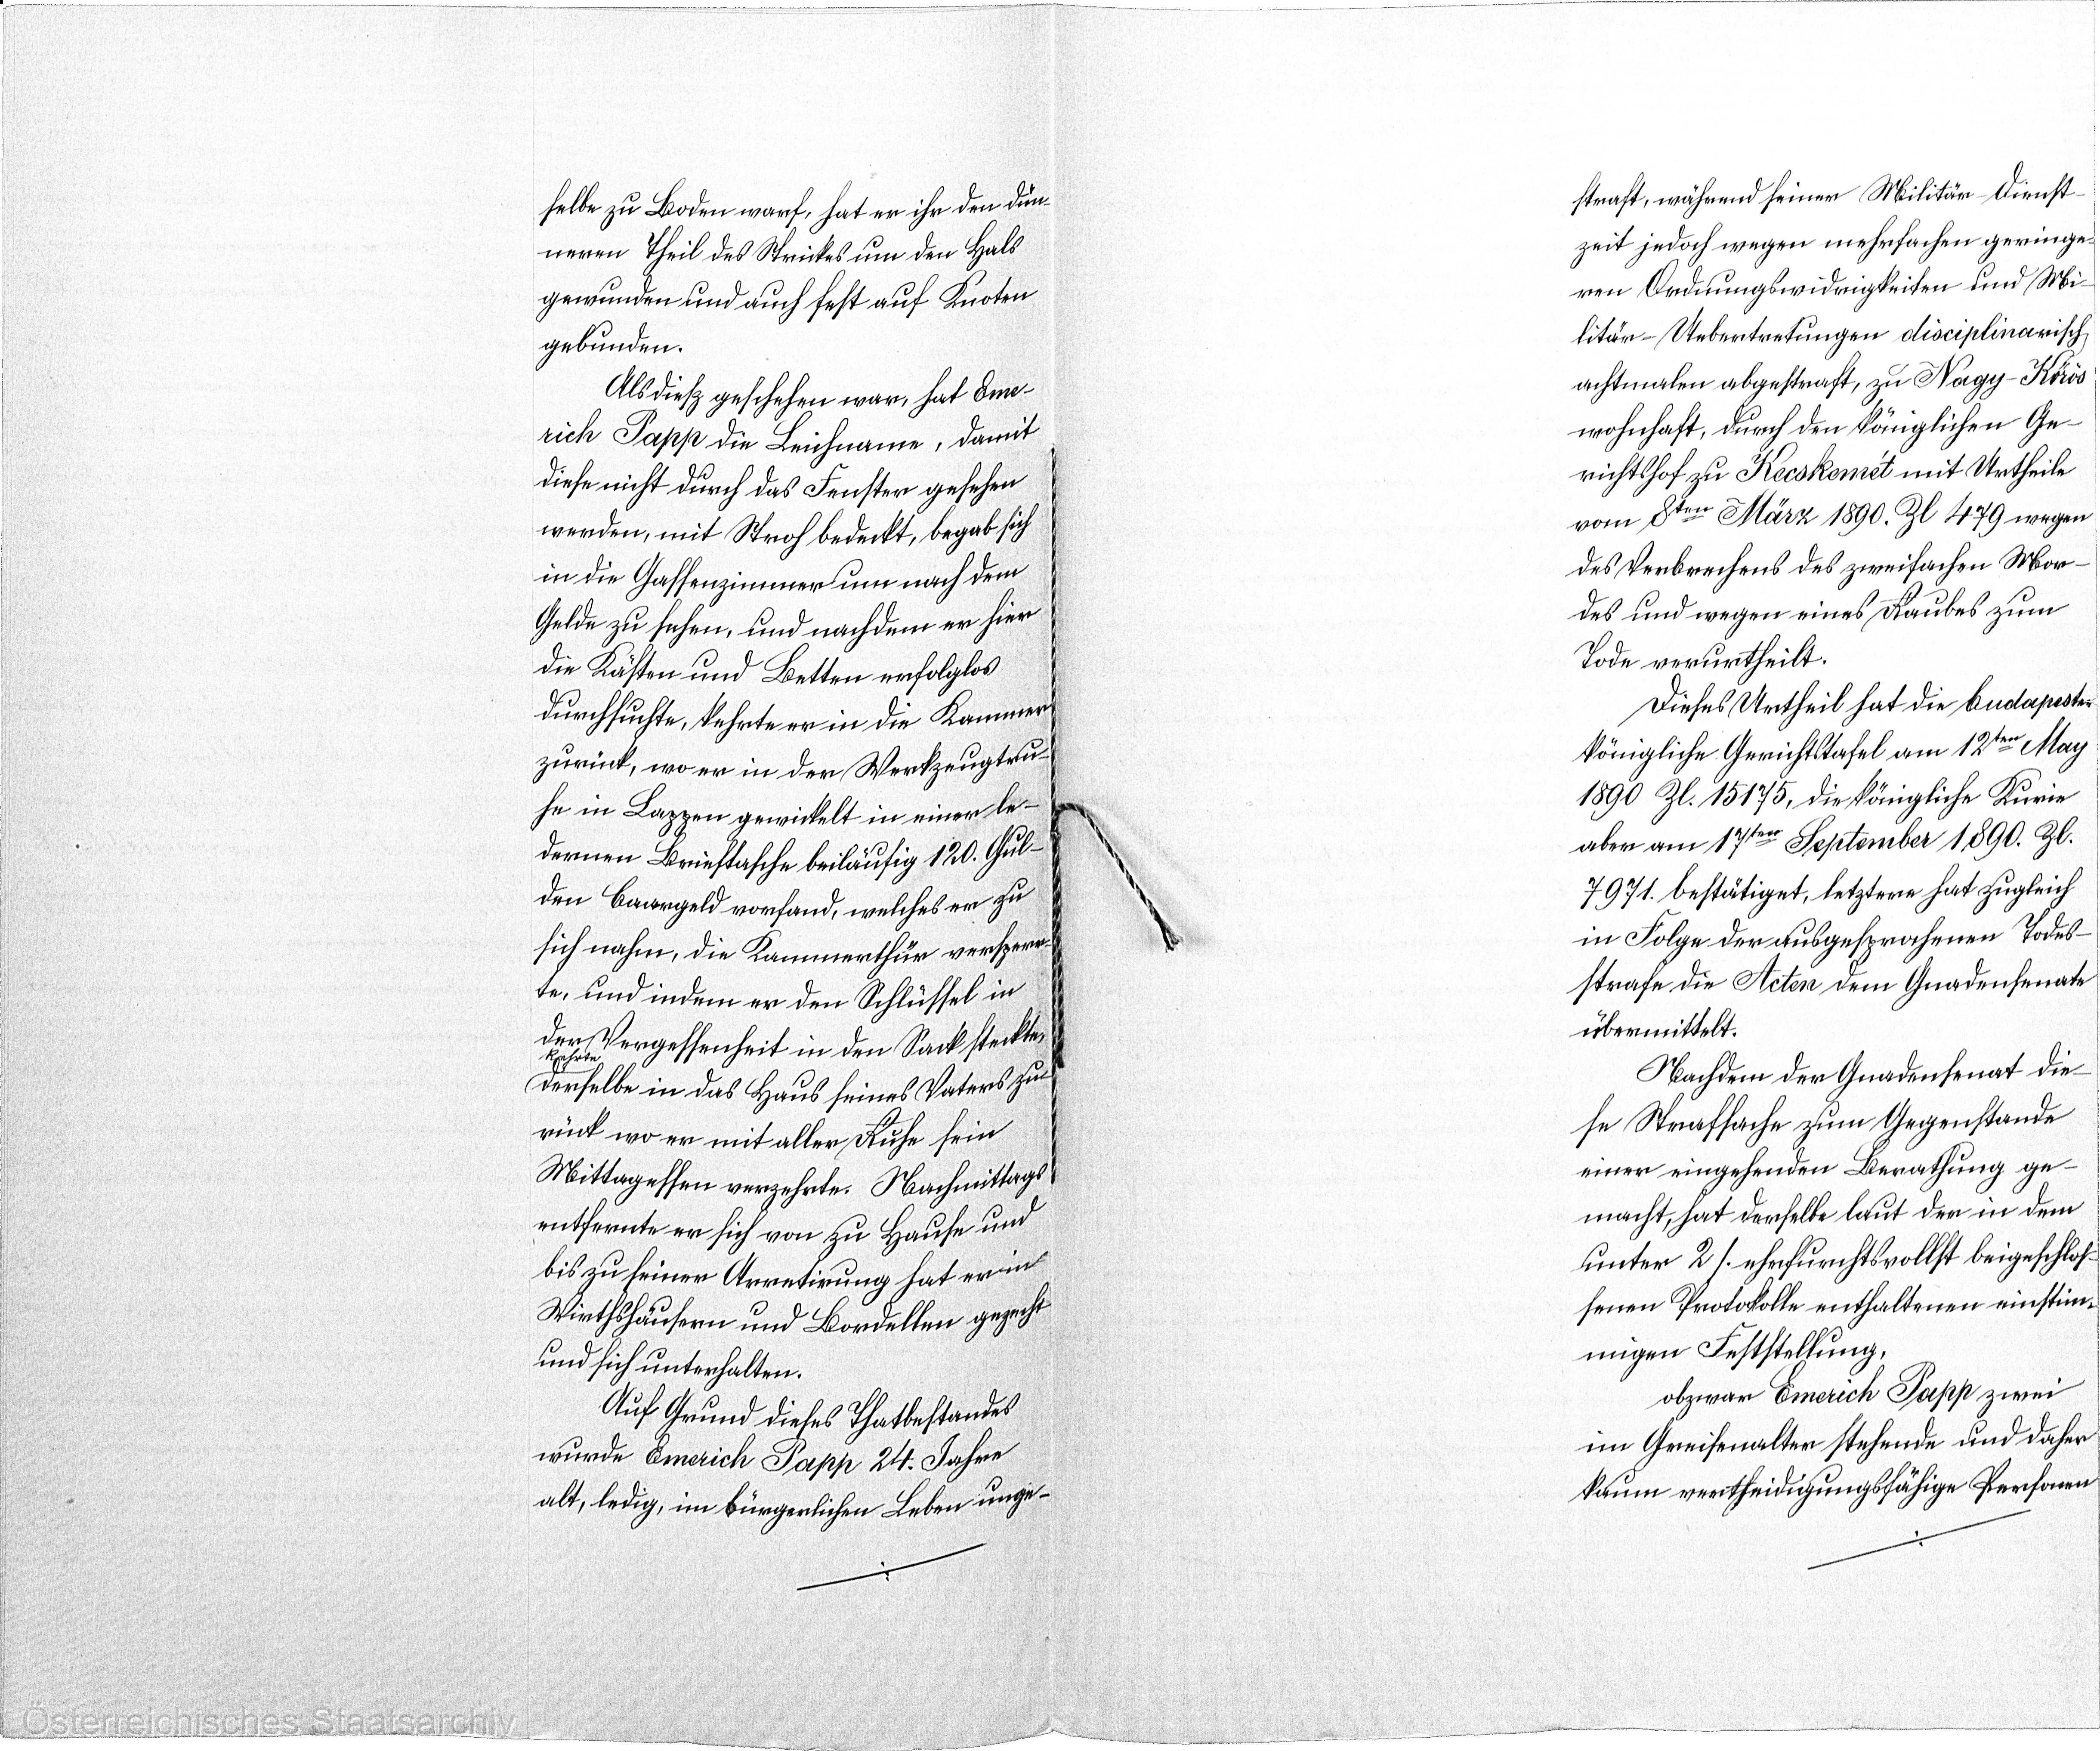selbe zu Boden warf, hat er ihr den dün¬
neren Theil des Strickes um den Hals
gewunden und auch fest auf Knoten
gebunden.
Als dieß geschehen war, hat Eme¬
rich Papp die Leichname, damit
diese nicht durch das Fenster gesehen
werden, mit Stroh bedeckt, begab sich
in die Gassenzimmer um nach dem
Gelde zu sehen, und nachdem er hier
die Kästen und Betten erfolglos
durchsuchte, kehrte er in die Kammer
zurück, wo er in der Werkzeugtru¬
he in Lappen gewickelt in einer le¬
dernen Brieftasche beiläufig 120. Gul¬
den Caergeld vorfand, welches er zu
sich nahm, die Kammerthür versperr¬
te, und indem er den Schlüssel in
der Vergessenheit in den Sack steckte,
derselbe in das Haus seines Vaters zu¬
rück wo er mit aller Ruhe sein
Mittagessen verzehrte. Nachmittags
entfernte er sich von zu Hause und
bis zu seiner Arretirung hat er in
Wirtshäuser und Bordellen gezecht
und sich unterhalten.
Auf Grund dieses Thatbestandes
wurde Emerich Papp 24. Jahre
alt, ledig, in bürgerlichen Leben unge¬
straft, während seiner Militär-Dienst¬
zeit jedoch wegen mehrfachen geringe¬
ren Ordnungswidrigkeiten und Mi¬
litär-Uebertretungen disciplinarisch
achtmalen abgestraft, zu Nagy-Kőrös
wohnhaft, durch den königlichen Ge¬
richtshof zu Kecskemét mit Urtheile
vom 8ten März 1890 Zl 479 wegen
des Verbrechens des zweifachen Mor¬
des und wegen eines Raubes zum
Tode verurtheilt.
Dieses Urtheil hat die Budapester
königliche Gerichtstafel am 12ten May
1890 Zl 15175, die königliche Kurie
aber am 17ter September 1890 Zl
7971 bestätigt, letztere hat zugleich
in Folge der ausgesprochenen Todes¬
strafe die Acten dem Gnadensenate
übermittelt.
Nachdem der Gnadensenat die¬
se Strafsache zum Gegenstande
einer eingehenden Berathung ge¬
macht, hat derselbe laut der in dem
unter 2) ehrfurchtsvollst beigeschlos¬
senen Protokolle enthaltenen einstim¬
migen Feststellung.
Obzwar Emerich Papp zwei
im Greisenalter stehende und daher
kaum vertheidigungsfähige Personen